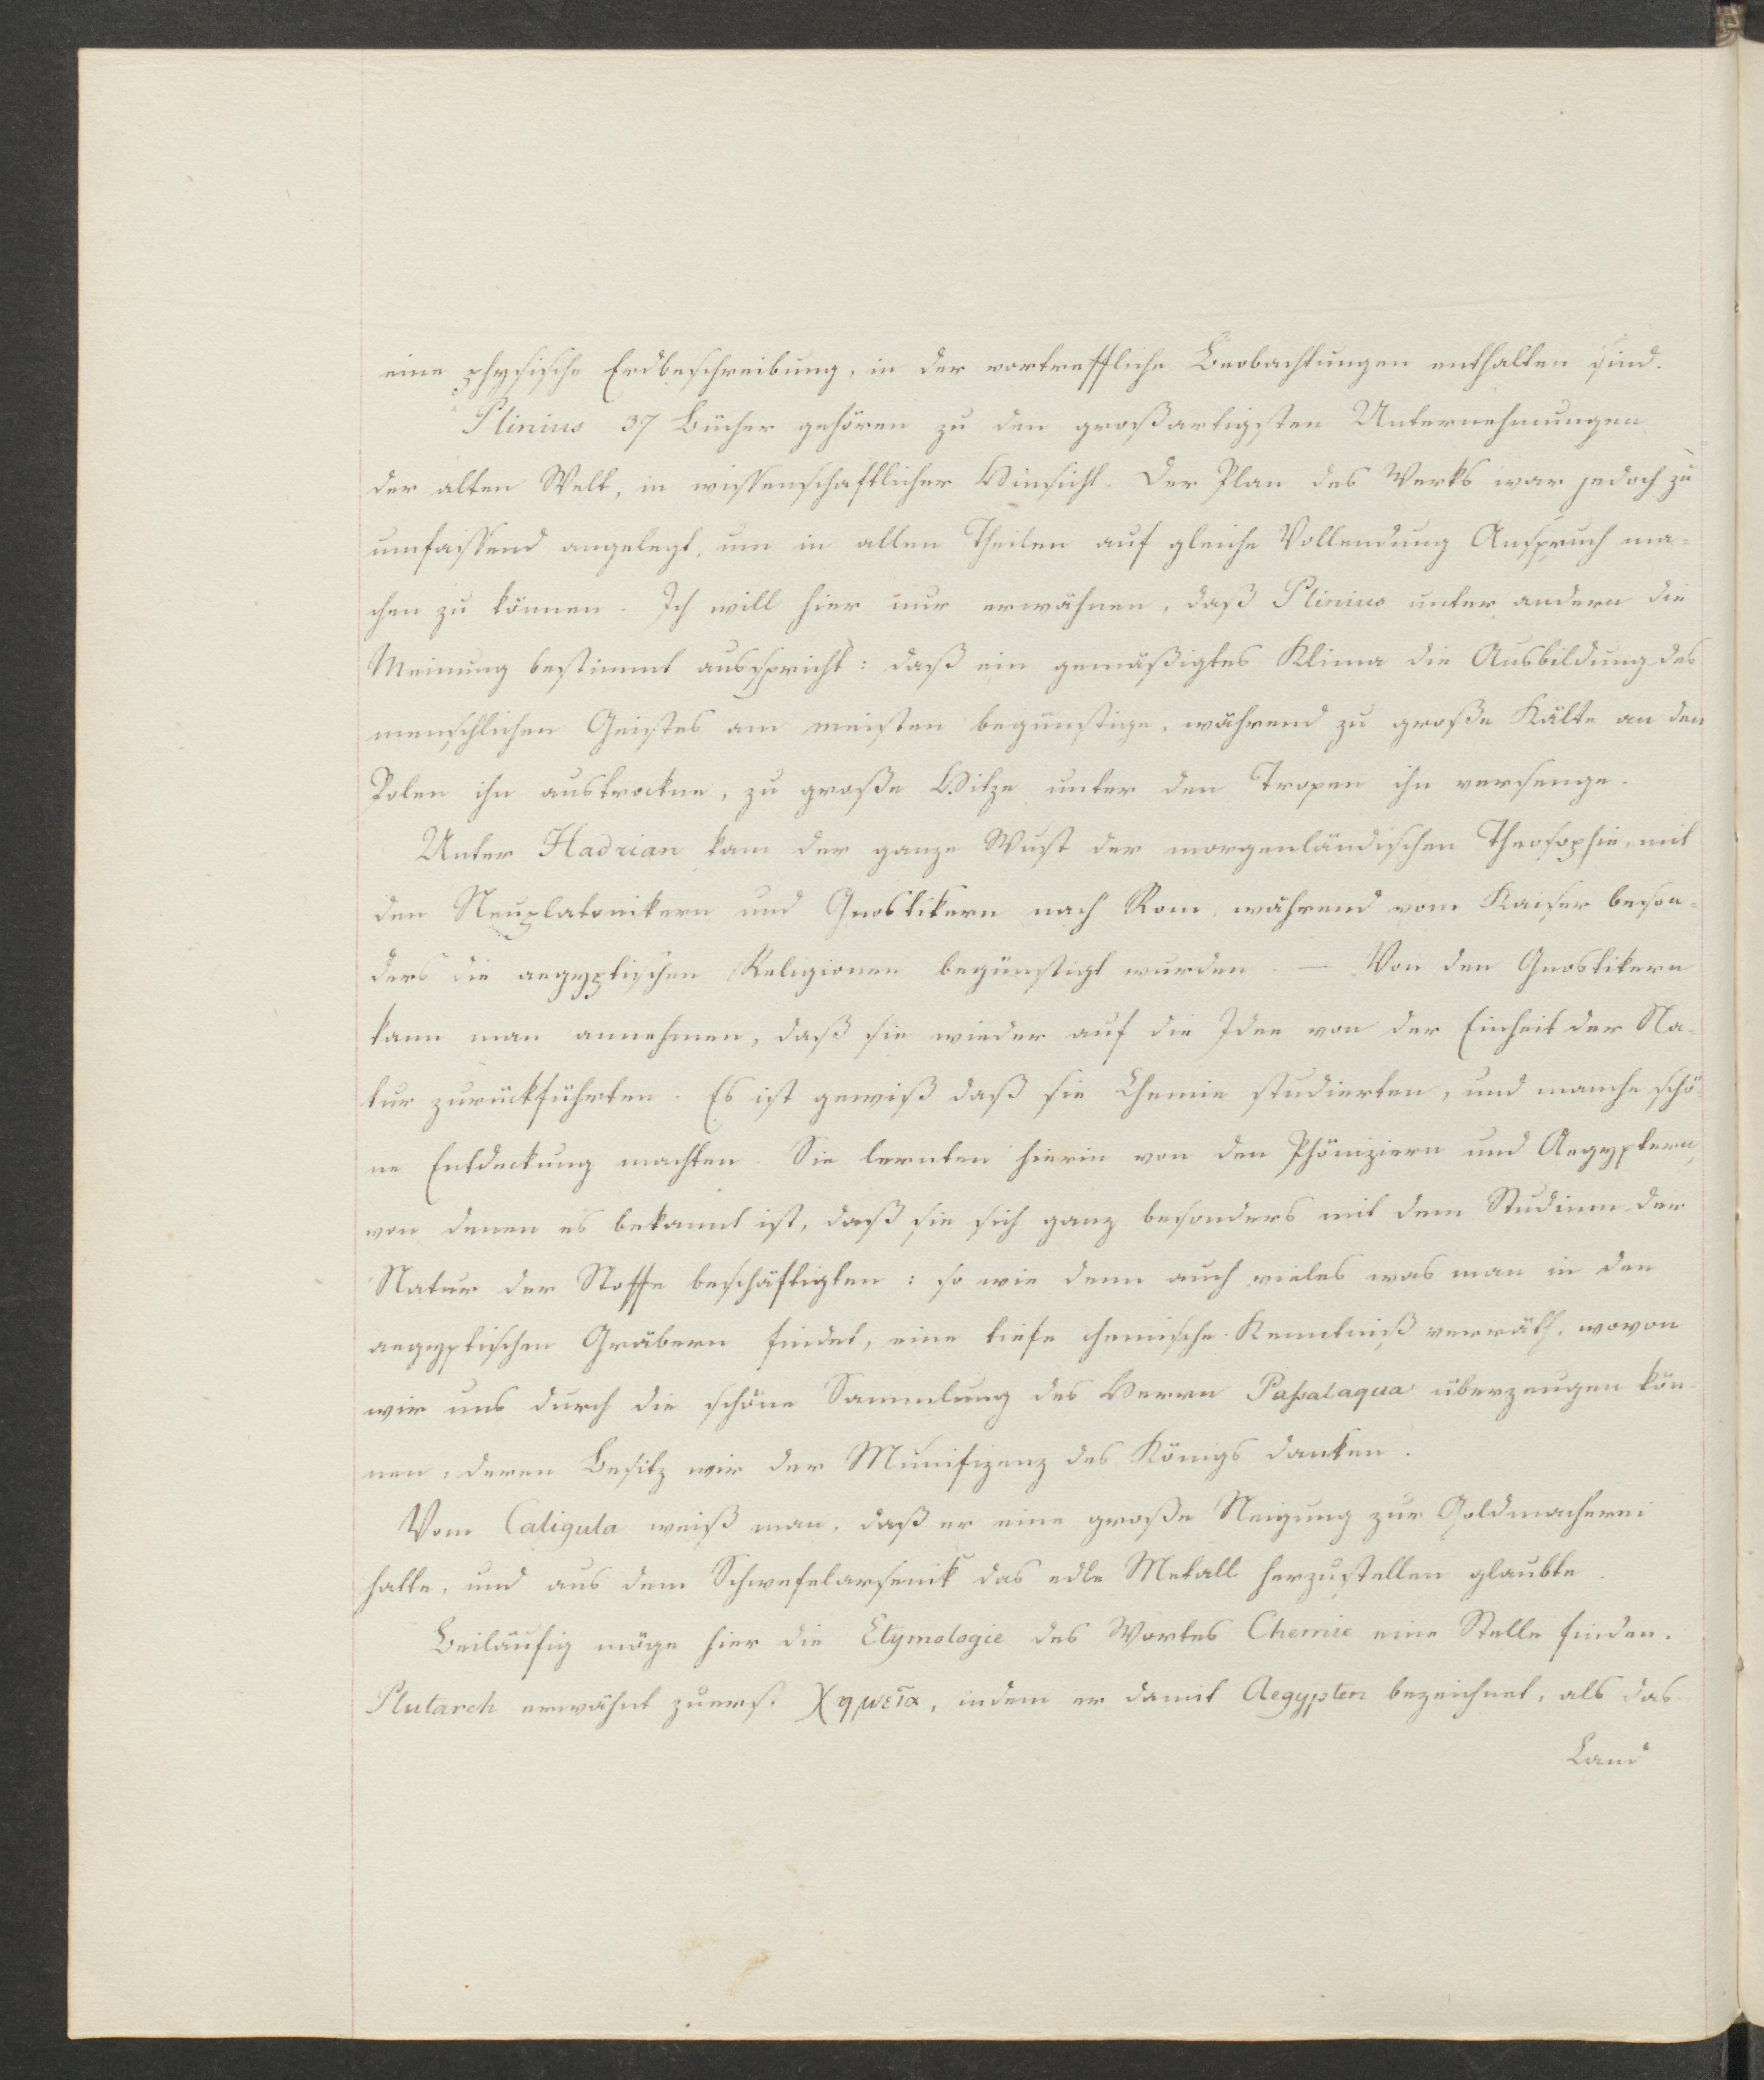eine physische Erdbeschreibung, in der vortreffliche Beobachtungen enthalten sind.
Plinius 37 Bücher gehören zu den großartigsten Unternehmungen
der alten Welt, in wissenschaftlicher Hinsicht. Der Plan des Werks war jedoch zu
umfassend angelegt, um in allen Theilen auf gleiche Vollendung Anspruch ma-
chen zu können. Ich will hier nur erwähnen, daß Plinius unter andern die
Meinung bestimmt ausspricht: daß ein gemäßigtes Klima die Ausbildung des
menschlichen Geistes am meisten begünstige, während zu große Kälte an den
Polen ihn austrockne, zu große Hitze unter den Tropen ihn versenge.
Unter Hadrian kam der ganze Wust der morgenländischen Theosophie, mit
den Neuplatonikern und Gnostikern nach Rom, während vom Kaiser beson-
ders die aegyptischen Religionen begünstigt wurden. – Von den Gnostikern
kann man annehmen, daß sie wieder auf die Idee von der Einheit der Na-
tur zurückführten. Es ist gewiß daß sie Chemie studirten, und manche schö-
ne Entdeckung machten. Sie lernten hierin von den Phöniziern und Aegyptern,
von denen es bekannt ist, daß sie sich ganz besonders mit dem Studium der
Natur der Stoffe beschäftigten: so wie denn auch vieles was man in den
aegyptischen Gräbern findet, eine tiefe chemische Kenntniß verräth, wovon
wir uns durch die schöne Sammlung des Herrn Passalaqua überzeugen kön-
nen, deren Besitz wir der Munifizenz des Königs danken.
Vom Caligula weiß man, daß er eine große Neigung zur Goldmacherei
hatte, und aus dem Schwefelarsenik das edle Metall herzustellen glaubte.
Beiläufig möge hier die Etymologie des Wortes Chemie eine Stelle finden.
Plutarch erwähnt zuerst χυμεια, indem er damit Aegypten bezeichnet, als das
Land